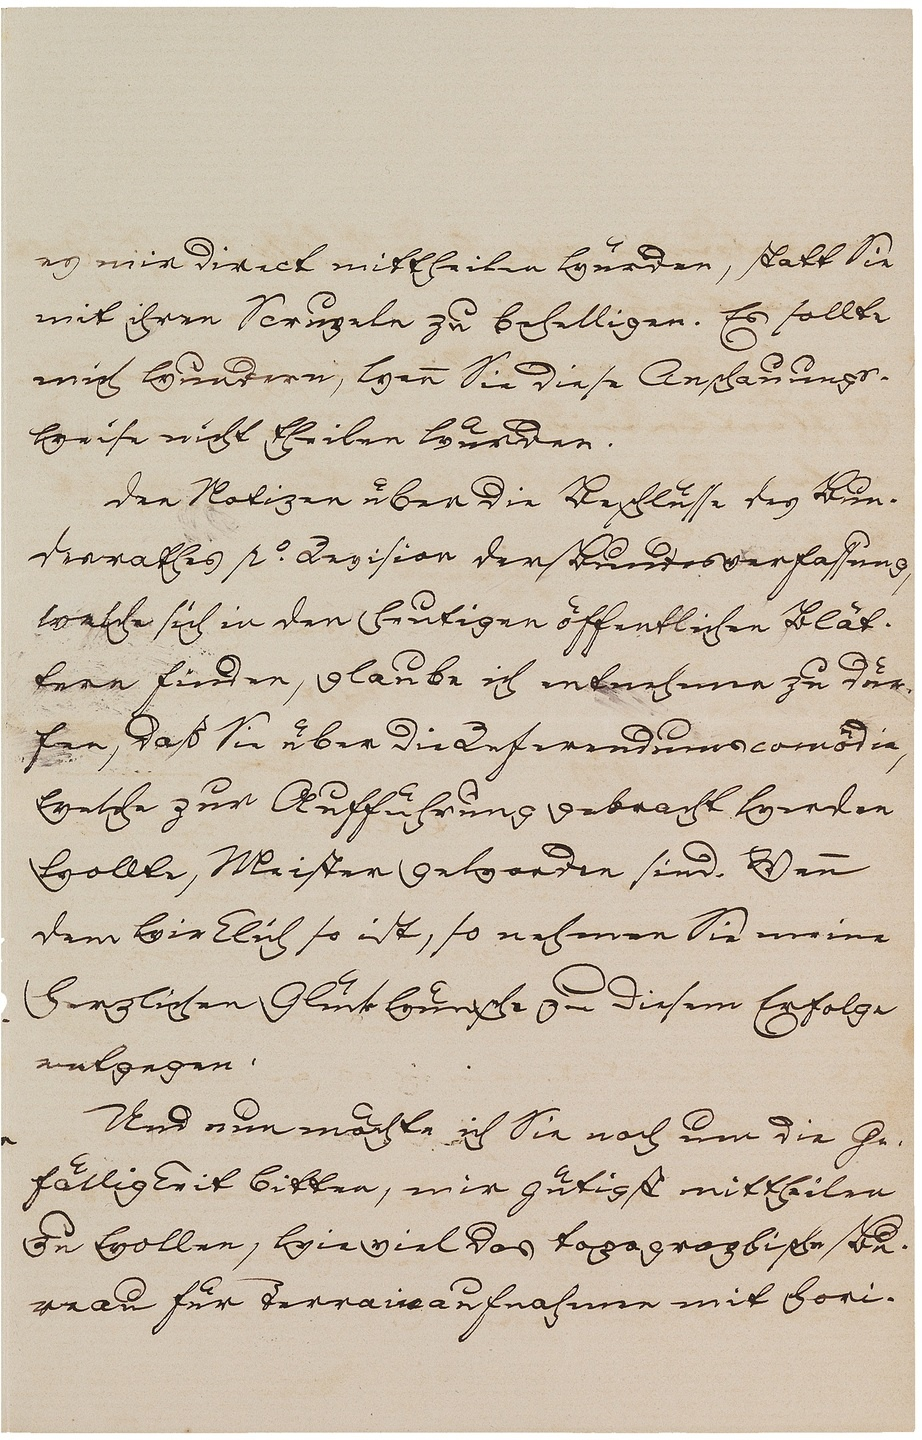es mir direct mittheilen würden, statt Sie
mit ihren Scrupeln zu behelligen. Es sollte
mich wundern, wenn Sie diese Anschauungs-
weise nicht theilen würden.
Den Notizen über die Beschlüsse des Bun-
desrathes po Revision der Bundesverfassung,
welche sich in den heutigen öffentlichen Blät-
tern finden, glaube ich entnehmen zu dür-
fen, daß Sie über die Referendumscomödie,
welche zur Aufführung gebracht werden
wollte, Meister geworden sind. Wenn
dem wirklich so ist, so nehmen Sie meine
herzlichen Glückwünsche zu diesem Erfolge
entgegen.
Und nun möchte ich Sie noch um die Ge-
fälligkeit bitten, mir gütigst mittheilen
zu wollen, wie viel das topographische Bu-
reau für Terrainaufnahmen mit Hori-